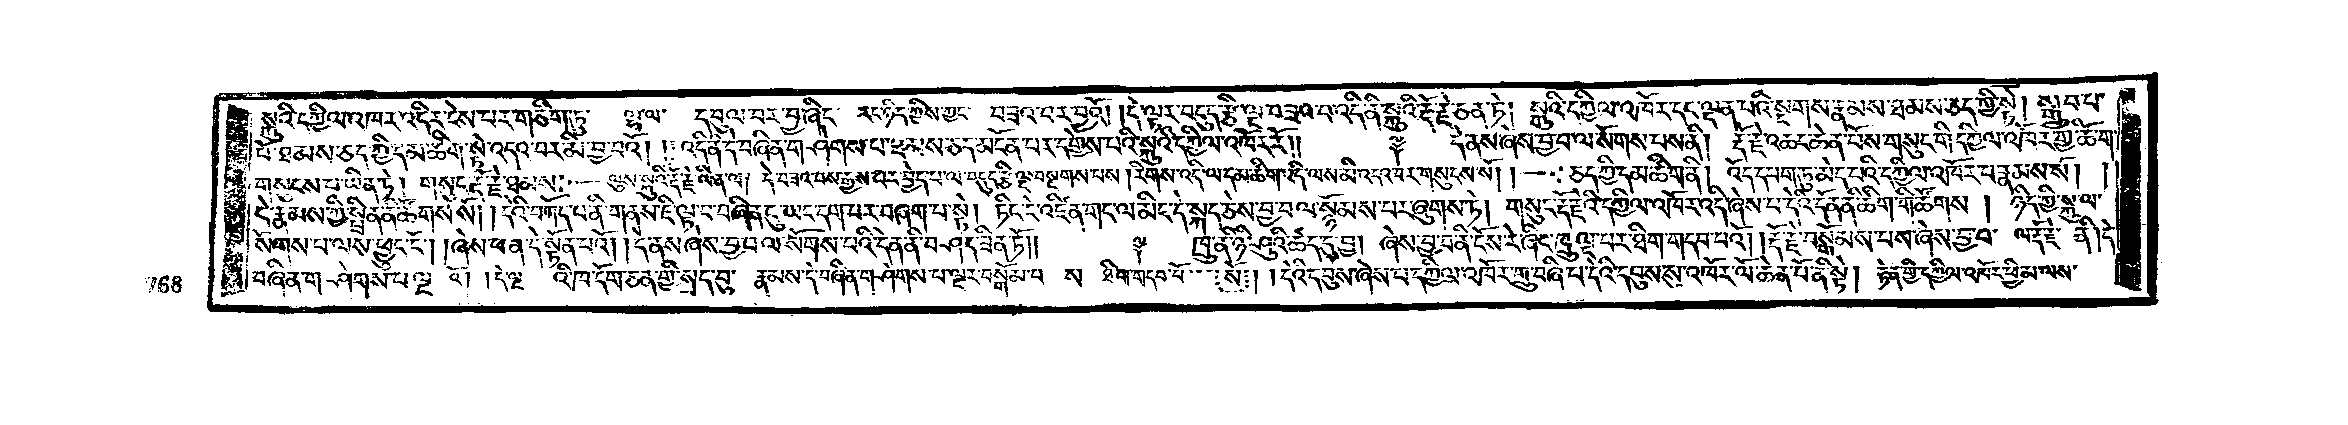སྐུའི་དཀྱིལ་འཁོར་འདིར་ངེས་པར་གཅིག་ཏུ་ལྷ་ལ་དབུལ་བར་བྱ་ཞིང་རང་ཉིད་ཀྱིས་ཀྱང་བཟའ་བར་བྱའོ། །དེ་ལྟར་བདུད་རྩི་ལྔ་བཟའ་བ་འདི་ནི་སྐུའི་རྡོ་རྗེ་ཅན་ཏེ། སྐུའི་དཀྱིལ་འཁོར་དང་ལྡན་པའི་སྔགས་རྣམས་ཐམས་ཅད་ཀྱི་སྟེ། སྒྲུབ་པ་
པོ་ཐམས་ཅད་ཀྱི་དམ་ཚིག་སྟེ་འདའ་བར་མི་བྱ་བའོ། །འདི་ནི་དེ་བཞིན་གཤེགས་པ་ཐམས་ཅད་མངོན་པར་དགྱེས་པའི་སྐུའི་དཀྱིལ་འཁོར་རེ།། ༈ དེ་ནས་ཞེས་བྱ་བ་ལ་སོགས་པས་ནི། རྡོ་རྗེ་འཆང་ཆེན་པོས་གསུང་གི་དཀྱིལ་འཁོར་གྱི་ཆོ་ག་
གསུངས་པ་ཡིན་ཏེ། གསུང་རྡོ་རྗེ་ཐམས་H.་ལུས་སྐུའི་རྡོ་རྗེ་ཡིན་ལ། དེ་བཟའ་བས་རྒྱས་པར་བྱེད་པ་ལ་བདུད་རྩི་ལྔ་བསྔགས་པས། རིགས་འདི་ལ་དམ་ཚིག་འདི་ལས་མི་འདའ་བར་གསུངས་སོ། །.H ཅད་ཀྱི་དམ་ཚིག་ནི། འོད་དཔག་ཏུ་མེད་པའི་དཀྱིལ་འཁོར་པ་རྣམས་སོ། །
དེ་རྣམས་ཀྱི་སྤྲིན་ནི་ཚོགས་སོ། །དེའི་བཀོད་པ་ནི་གནས་ཇི་ལྟ་བ་བཞིན་དུ་ཡང་དག་པར་བཞག་པ་སྟེ། ཏིང་ངེ་འཛིན་གང་ལ་མིང་དེ་སྐད་ཅེས་བྱ་བ་ལ་སྙོམས་པར་ཞུགས་ཏེ། གསུང་རྡོ་རྗེའི་དཀྱིལ་འཁོར་འདི་ཞེས་པ་དེའི་དོན་ནི་ཚིག་གི་ཚོགས། ཉིད་ཀྱི་སྐུ་ལ་
སོགས་པ་ལས་ཕྱུང་ངོ། །ཞེས་པ་ནི་དེ་སྟོན་པའོ། །དེ་ནས་ཞེས་བྱ་བ་ལ་སོགས་པའི་དོན་ནི་བཤད་ཟིན་ཏོ།། ༈ ཁྲུ་ནི་ཉི་ཤུའི་ཚད་དུ་བྱ། ཞེས་བྱ་བ་ནི་ངོས་རེ་ཞིང་ཁྲུ་ལྔ་པར་ཐིག་གདབ་པའོ། །རྡོ་རྗེ་བསྒོམས་པས་ཞེས་བྱ་བ་ལ་རྡོ་རྗེ་ནི། དེ་
བཞིན་གཤེགས་པ་ལྔའོ། །དེ་ལྟའི་ཁ་དོག་ཅན་གྱི་སྲད་བུ་རྣམས་དེ་བཞིན་གཤེགས་པ་ལྔར་བསྒོམ་པས་ཐིག་གདབ་པོ་སོ། །དེའི་དབུས་ཞེས་པ་དཀྱིལ་འཁོར་གྲུ་བཞི་པ་དེའི་དབུས་སུ་འཁོར་ལོ་ཆེན་པོ་ནི་སྟེ། རྟེན་གྱི་དཀྱིལ་འཁོར་ཕྱི་མ་ལས་